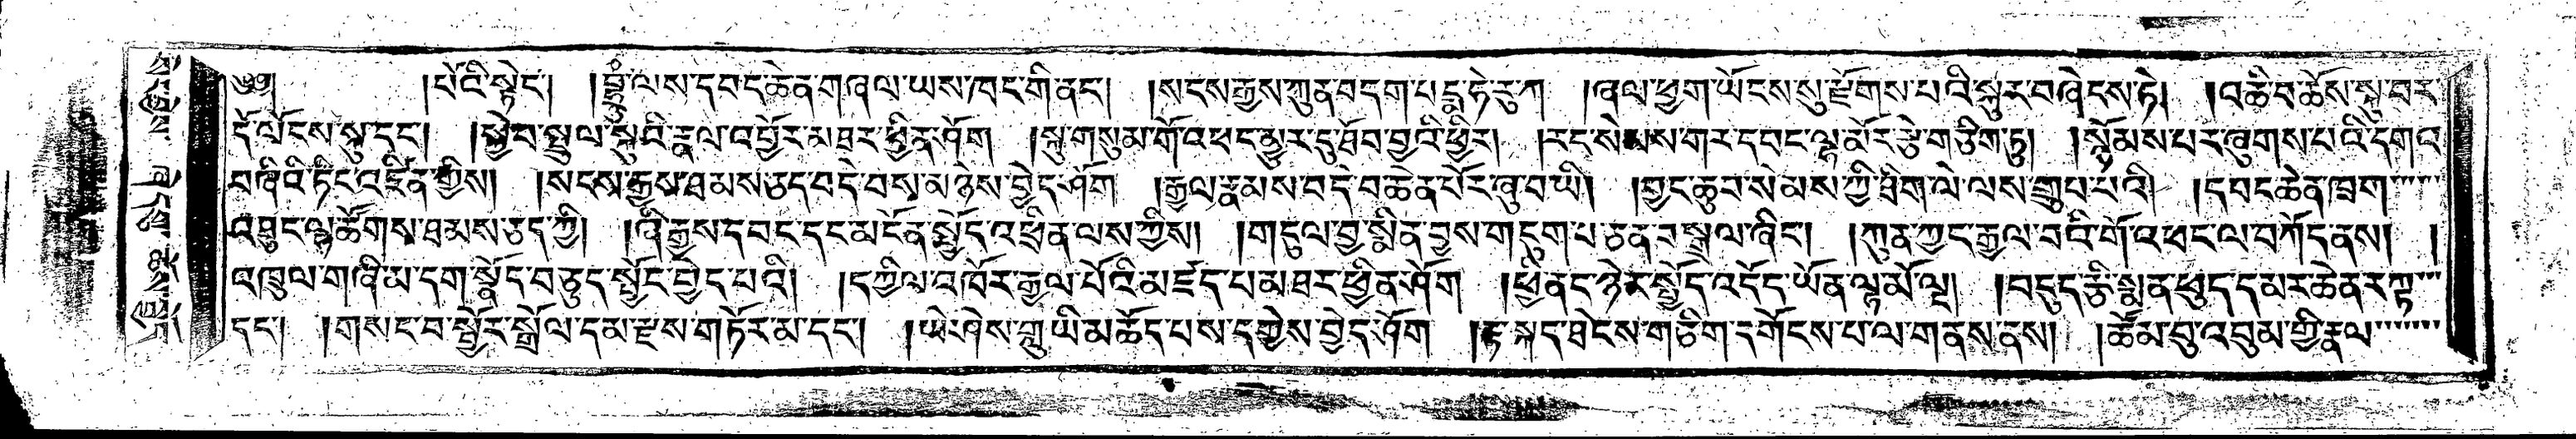༄༅། །པོའི་སྟེང་། །བྷྲུཾ་ལས་དབང་ཆེན་གཞལ་ཡས་ཁང་གི་ནང་། །སངས་རྒྱས་ཀུན་བདག་པདམ་ཧེ་རུ་ཀ །ཞལ་ཕྱག་ཡོངས་སུ་རྫོགས་པའི་སྐུར་བཞེངས་ཏེ། །འཆི་བ་ཆོས་སྐུ་བར་
དོ་ལོངས་སྐུ་དང་། །སྐྱེ་བ་སྤྲུལ་སྐུའི་རྣལ་འབྱོར་མཐར་ཕྱིན་ཤོག །སྐུ་གསུམ་གོ་འཕང་མྱུར་དུ་ཐོབ་བྱའི་ཕྱིར། །རང་སེམས་གར་དབང་ལྷ་མོར་རྩེ་གཅིག་ཏུ། །སྙོམས་པར་ཞུགས་པའི་དགའ་
བཞིའི་ཏིང་འཛིན་གྱིས། །སངས་རྒྱས་ཐམས་ཅད་བདེ་བས་མཉེས་བྱེད་ཤོག །རྒྱལ་རྣམས་བདེ་བ་ཆེན་པོར་ཞུ་བ་ཡི། །བྱང་ཆུབ་སེམས་ཀྱི་ཐིག་ལེ་ལས་གྲུབ་པའི། །དབང་ཆེན་ཁྲག་
འཐུང་ལྷ་ཚོགས་ཐམས་ཅད་ཀྱི། །ཞི་རྒྱས་དབང་དང་མངོན་སྤྱོད་འཕྲིན་ལས་ཀྱིས། །གདུལ་བྱ་སྨིན་བྱས་གདུག་པ་ཅན་བསྒྲལ་ཞིང་། །ཀུན་ཀྱང་རྒྱལ་བའི་གོ་འཕང་ལ་བཀོད་ནས། །
འཁྲུལ་གཞི་མ་དག་སྣོད་བཅུད་སྦྱོང་བྱེད་པའི། །དཀྱིལ་འཁོར་རྒྱལ་པོའི་མཛད་པ་མཐར་ཕྱིན་ཤོག །ཕྱི་ནང་ཉེར་སྤྱོད་འདོད་ཡོན་ལྷ་མོ་ལྔ། །བདུད་རྩི་སྨན་ཕུད་དམར་ཆེན་རཀྟ་
དང་། །གསང་བ་སྦྱོར་སྒྲོལ་དམ་རྫས་གཏོར་མ་དང་། །ཡེ་ཤེས་གླུ་ཡི་མཆོད་པས་དགྱེས་བྱེད་ཤོག །རྟ་སྐད་ཐེངས་གཅིག་དགོངས་པ་ལ་གནས་ནས། །ཚོམ་བུ་འབུམ་གྱི་རྣལ་